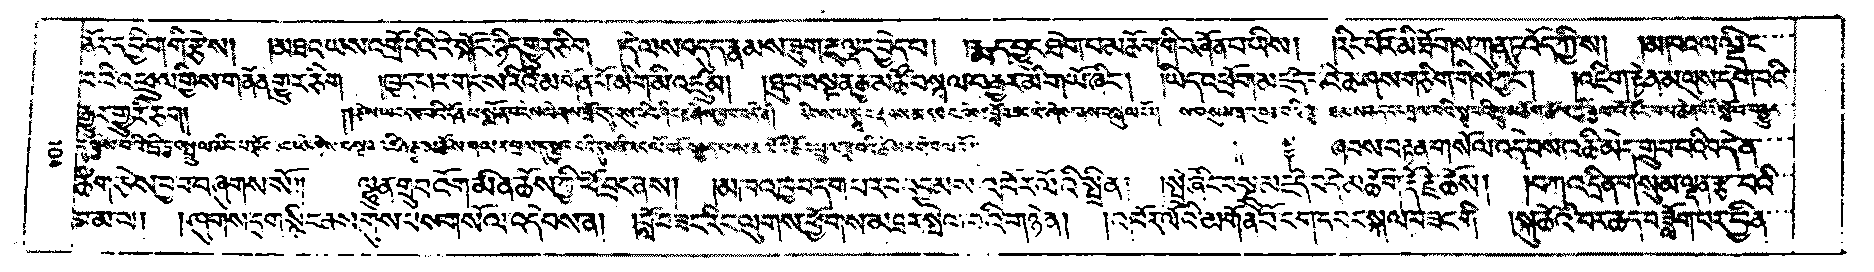ནོར་དབྱིག་གི་རྩེས། །མཐའ་ཡས་འགྲོ་བའི་རེ་སྐོང་ཉིད་གྱུར་ཅིག །དེ་ལས་བདུད་རྣམས་ཟུག་རྔུ་ལྡང་བྱེད་པ། །རྨད་བྱུང་ཐེག་པ་མཆོག་གི་བཞོན་པ་ཡིས། །རིང་པོར་མི་ཐོགས་ཀུན་ཏུ་འོད་ཀྱིས། །མཁའ་ལ་ལྡིང་
བའི་འཕྲུལ་གྱིས་གནོན་གྱུར་ཅིག །ཁྱད་པར་གངས་རིའི་མགོན་པོ་མིག་མི་འཛུམ། །ཐུབ་བསྟན་རྒྱ་མཚོ་བསྐལ་བརྒྱར་མི་གཡོ་ཞིང་། །ཡིད་འཕྲོག་མཛད་པའི་ཆ་ཤས་གཅིག་གིས་ཀྱང་། །འཇིག་རྟེན་མ་ལུས་དགེ་བའི་
རྒྱུར་གྱུར་ཅིག ། །།ཅེས་ཡང་དག་པའི་དོན་ལ་སྨོན་པ་ངེས་ལེགས་གྲོང་དུ་བསུ་བའི་ཤིང་རྟ་ཞེས་བྱ་བ་འདི་ནི། རིགས་པ་སྨྲ་བ་རྡོ་བསམ་དགེ་བཤེས་བློ་བཟང་ཡེ་ཤེས་ནས་བསྐུལ་ངོར། ས་གསུམ་ན་འགྲན་པའི་ཟླ་ཐམས་ཅད་དང་བྲལ་བའི་སྨྲ་བའི་ཁྱུ་མཆོག་ཆོས་ཀྱི་རྒྱལ་པོ་ཙོང་ཁ་པ་ཆེན་པོའི་སློབ་བརྒྱུད་
དུ་སྐྱེས་པའི་ཁྲི་བྱང་སྤྲུལ་མིང་པ་བློ་བཟང་ཡེ་ཤེས་བསྟན་འཛིན་རྒྱ་མཚོས་གཡར་ཕྲལ་དུ་སྦྱར་བའི་དུས་ནི་རང་ལོ་བཅོ་བརྒྱད་པ་ས་རྟ་ལོའི་ཆོ་འཕྲུལ་ཟླ་བའི་ཚེས་དགེ་བ་ལའོ།། །། ༈ ཞབས་བརྟན་གསོལ་འདེབས་འཆི་མེད་གྲུབ་པའི་བདེན་
ཚིག་ཅེས་བྱ་བ་བཞུགས་སོ།། ལྷུན་གྲུབ་འོག་མིན་ཆོས་ཀྱི་ཕོ་བྲང་ནས། །མཁའ་ཁྱབ་དག་པ་རབ་འབྱམས་འཁོར་ལོའི་སྤྲིན། །སྤྲོ་ཞིང་བསྡུ་མཛད་བདེ་མཆོག་རྡོ་རྗེ་ཆོས། །བཀའ་དྲིན་གསུམ་ལྡན་རྩ་བའི་
བླ་མ་ལ། །ཤུགས་དྲག་སྙིང་ནས་གུས་པས་གསོལ་འདེབས་ན། །བློ་བཟང་རིང་ལུགས་ཕྱོགས་མཐར་སྤེལ་བའི་གཉེན། །འཁོར་ལོའི་མགོན་པོ་ངག་དབང་སྐལ་བཟང་གི །སྐུ་ཚེའི་བར་ཆད་བཟློག་པར་བྱིན་